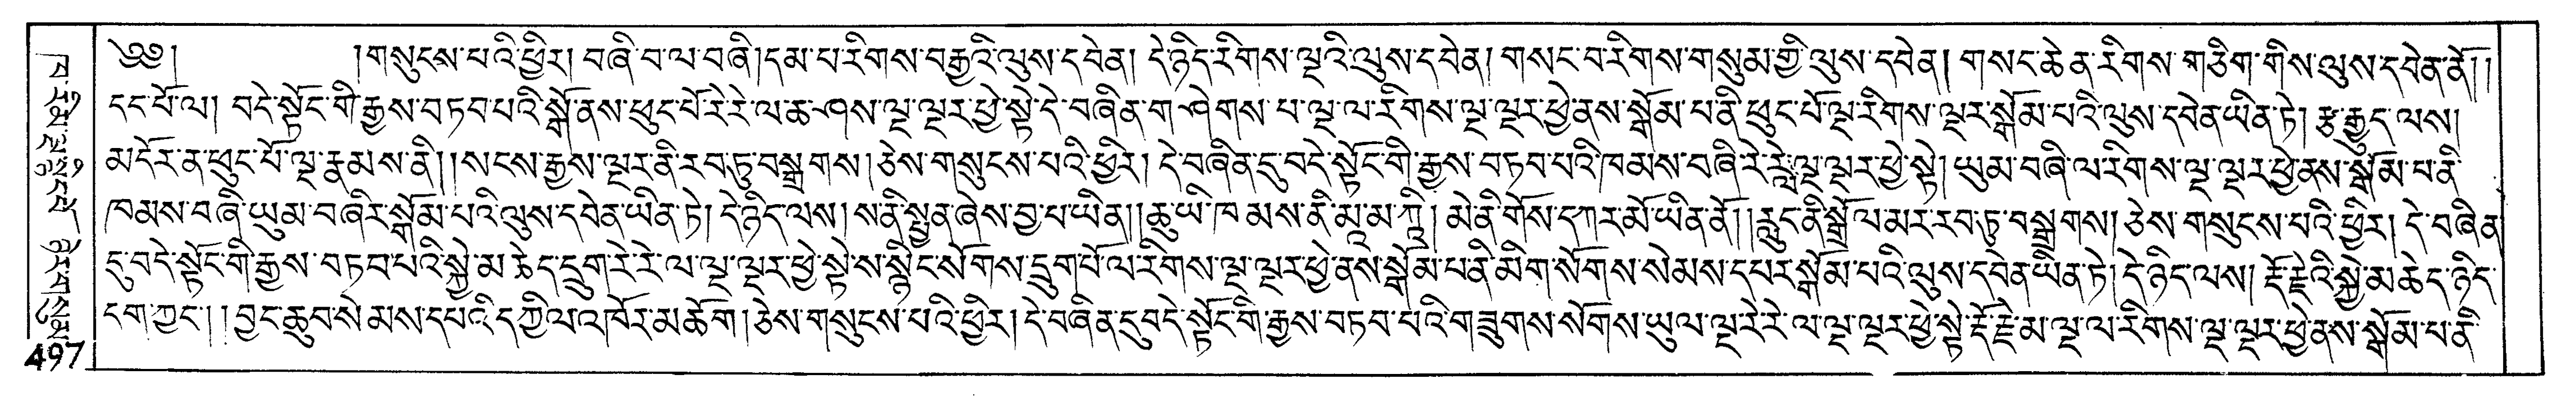༄༅། །གསུངས་པའི་ཕྱིར། བཞི་པ་ལ་བཞི། དམ་པ་རིགས་བརྒྱའི་ལུས་དབེན། དེ་ཉིད་རིགས་ལྔའི་ལུས་དབེན། གསང་བ་རིགས་གསུམ་གྱི་ལུས་དབེན། གསང་ཆེན་རིགས་གཅིག་གིས་ལུས་དབེན་ནོ། །
དང་པོ་ལ། བདེ་སྟོང་གི་རྒྱས་བཏབ་པའི་སྒོ་ནས་ཕུང་པོ་རེ་རེ་ལ་ཆ་ཤས་ལྔ་ལྔར་ཕྱེ་སྟེ་དེ་བཞིན་གཤེགས་པ་ལྔ་ལ་རིགས་ལྔ་ལྔར་ཕྱེ་ནས་སྒོམ་པ་ནི་ཕུང་པོ་ལྔ་རིགས་ལྔར་སྒོམ་པའི་ལུས་དབེན་ཡིན་ཏེ། རྩ་རྒྱུད་ལས།
མདོར་ན་ཕུང་པོ་ལྔ་རྣམས་ནི། །སངས་རྒྱས་ལྔར་ནི་རབ་ཏུ་བསྒྲགས། ཅེས་གསུངས་པའི་ཕྱིར། དེ་བཞིན་དུ་བདེ་སྟོང་གི་རྒྱས་བཏབ་པའི་ཁམས་བཞི་རེ་རེ་ལ་ལྔ་ལྔར་ཕྱེ་སྟེ། ཡུམ་བཞི་ལ་རིགས་ལྔ་ལྔར་ཕྱེ་ནས་སྒོམ་པ་ནི་
ཁམས་བཞི་ཡུམ་བཞིར་སྒོམ་པའི་ལུས་དབེན་ཡིན་ཏེ། དེ་ཉིད་ལས། ས་ནི་སྤྱན་ཞེས་བྱ་བ་ཡིན། །ཆུ་ཡི་ཁམས་ནི་མཱ་མ་ཀཱི། མེ་ནི་གོས་དཀར་མོ་ཡིན་ནོ། །རླུང་ནི་སྒྲོལ་མར་རབ་ཏུ་བསྒྲགས། ཅེས་གསུངས་པའི་ཕྱིར། དེ་བཞིན་
དུ་བདེ་སྟོང་གི་རྒྱས་བཏབ་པའི་སྐྱེ་མཆེད་དྲུག་རེ་རེ་ལ་ལྔ་ལྔར་ཕྱེ་སྟེ་ས་སྙིང་སོགས་དྲུག་པོ་ལ་རིགས་ལྔ་ལྔར་ཕྱེ་ནས་སྒོམ་པ་ནི་མིག་སོགས་སེམས་དཔར་སྒོམ་པའི་ལུས་དབེན་ཡིན་ཏེ། དེ་ཉིད་ལས། རྡོ་རྗེའི་སྐྱེ་མཆེད་ཉིད་
དག་ཀྱང་། །བྱང་ཆུབ་སེམས་དཔའི་དཀྱིལ་འཁོར་མཆོག །ཅེས་གསུངས་པའི་ཕྱིར། དེ་བཞིན་དུ་བདེ་སྟོང་གི་རྒྱས་བཏབ་པའི་གཟུགས་སོགས་ཡུལ་ལྔ་རེ་རེ་ལ་ལྔ་ལྔར་ཕྱེ་སྟེ་རྡོ་རྗེ་མ་ལྔ་ལ་རིགས་ལྔ་ལྔར་ཕྱེ་ནས་སྒོམ་པ་ནི་